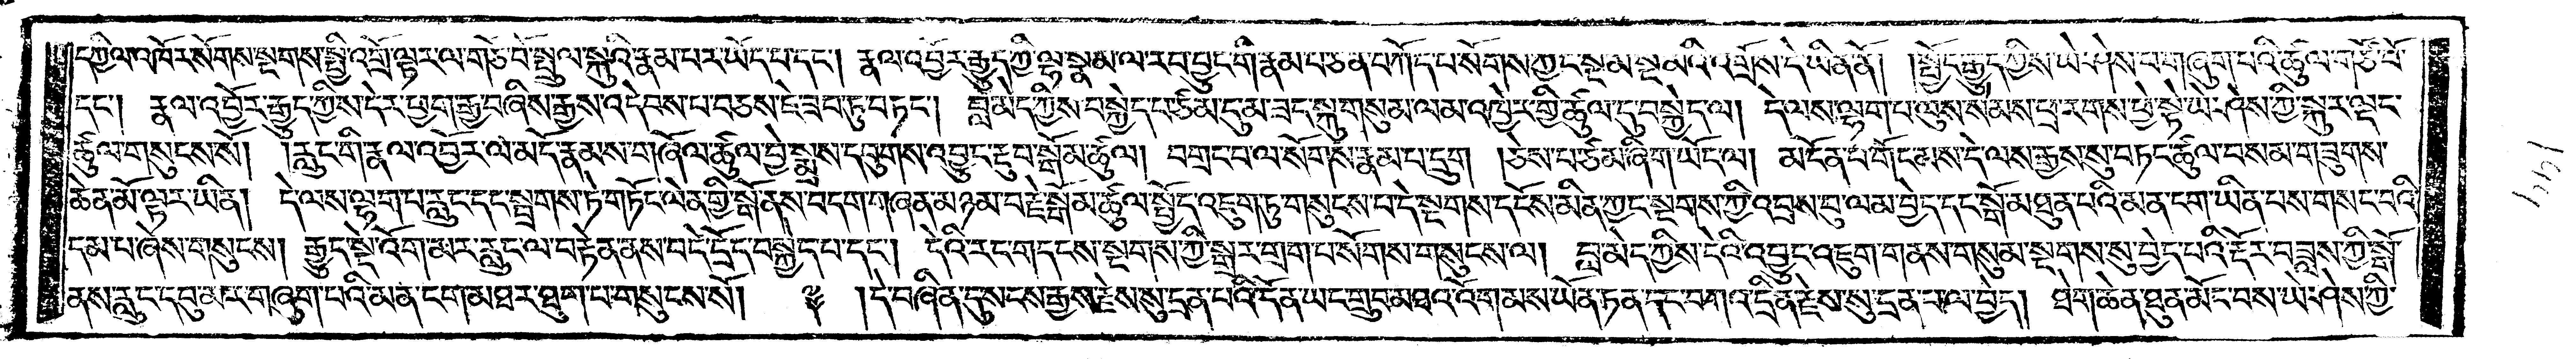དཀྱིལ་འཁོར་སོགས་སྔགས་སྤྱི་འགྲོ་ལྟར་ལ་གཙོ་བོ་སྤྲུལ་སྐུའི་རྣམ་པར་ཡོད་པ་དང་། རྣལ་འབྱོར་རྒྱུད་ཀྱི་ལྷ་སྣམ་ལ་རབ་བྱུང་གི་རྣམ་པ་ཅན་བཀོད་པ་སོགས་ཀྱང་སྔ་མ་སྔ་མའི་འགྲོས་དེ་ཡིན་ནོ། །སྤྱོད་རྒྱུད་ཀྱིས་ཡེ་ཤེས་པ་གཞུག་པའི་ཚུལ་གཙོ་བོ་
དང་། རྣལ་འབྱོར་རྒྱུད་ཀྱིས་དེར་ཕྱག་རྒྱ་བཞིས་རྒྱས་འདེབས་པ་བཅས་ཇེ་ཟབ་ཏུ་བཏང་། བླ་མེད་ཀྱིས་བསྐྱེད་པ་ཙམ་དུ་མ་ཟད་སྐུ་གསུམ་ལམ་འཁྱེར་གྱི་ཚུལ་དུ་བསྐྱེད་ལ། དེ་ལས་ལྷག་པ་ལུས་སེམས་ཕྲ་རགས་ཕྱེ་སྟེ་ཡེ་ཤེས་ཀྱི་སྐུར་ལྡང་
ཚུལ་གསུངས་སོ། །རླུང་གི་རྣལ་འབྱོར་ལ་མདོ་རྣམས་གཞོལ་ཚུལ་བྱེ་སྨྲས་དབུགས་འབྱུང་རྡུབ་སྒོམ་ཚུལ། བགྲང་བ་ལ་སོགས་རྣམ་པ་དྲུག །ཅེས་པ་ཙམ་ཞིག་ཡོར་ལ། མངོན་པ་གོང་མས་དེ་ལས་རྒྱས་སུ་བཏང་ཚུལ་བསམ་གཟུགས་
ཆེན་མོ་ལྟར་ཡིན། དེ་ལས་ལྷག་པ་རླུང་དང་སྦྲགས་ཏེ་གཏོང་ལེན་གྱི་སྒོ་ནས་བདག་གཞན་མཉམ་བརྗེ་སྒོམ་ཚུལ་སྤྱོད་འཇུག་ཏུ་གསུངས་པ་དེ་སྔགས་དངོས་མིན་ཀྱང་སྔགས་ཀྱི་འབྲས་བུ་ལམ་བྱེད་དང་སྒོ་མཐུན་པའི་མན་ངག་ཡིན་པས་གསང་བའི་
དམ་པ་ཞེས་གསུངས། རྒྱུད་སྡེ་འོག་མར་རླུང་ལ་བརྟེན་ནས་བདེ་དྲོད་བསྐྱེད་པ་དང་། དེའི་རང་གདངས་སྔགས་ཀྱི་སྒྲར་གྲག་པ་སོགས་གསུངས་ལ། བླ་མེད་གྱིས་དེའི་འབྱུང་འཇུག་གནས་གསུམ་སྔགས་སུ་བྱེད་པའི་རྡོར་བཟླས་ཀྱི་སྒོ་
ནས་རླུང་དབུ་མར་གཞུག་པའི་མན་ངག་མཐར་ཐུག་པ་གསུངས་སོ། ༈ །དེ་བཞིན་དུ་སངས་རྒྱས་རྗེས་སུ་དྲན་པའི་དོན་ཡང་གྲུབ་མཐའ་འོག་མས་ཡོན་ཏན་དང་བཀའ་དྲིན་རྗེས་སུ་དྲན་པ་ལ་བྱེད། ཐེག་ཆེན་ཐུན་མོང་བས་ཡེ་ཤེས་ཀྱི་